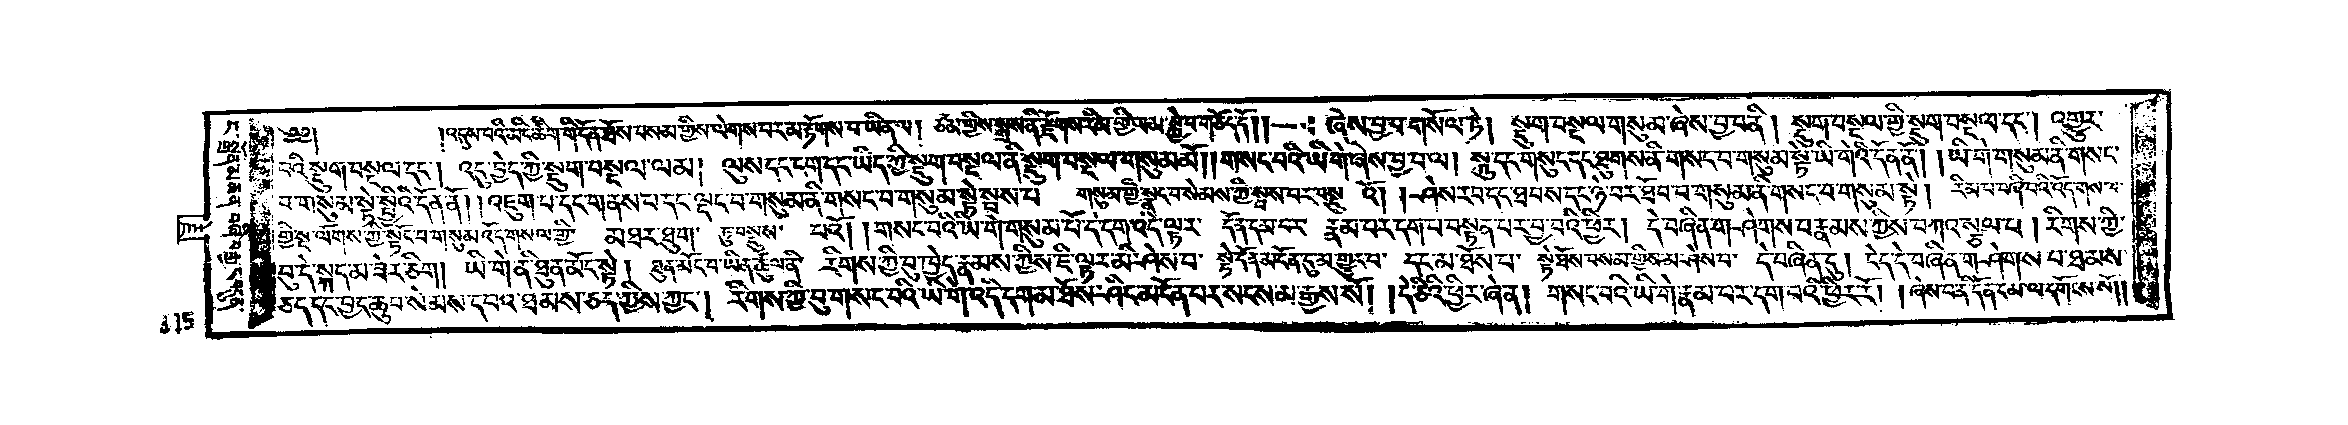༄༅། །འདུས་པའི་མིང་ཚིག་གི་དོན་ཐོས་བསམ་གྱིས་ལེགས་པར་མ་རྟོགས་པ་ཡིན་ལ། ཙམ་གྱིས་སྒྲས་ནི་རྫོགས་རིམ་གྱི་ལམ་སྐྱེ་བ་གཅོད་དོ།། ཞེས་བྱ་བ་གསོལ་ཏེ། སྡུག་བསྔལ་གསུམ་ཞེས་བྱ་བ་ནི། སྡུག་བསྔལ་གྱི་སྡུག་བསྔལ་དང་། འགྱུར་
བའི་སྡུག་བསྔལ་དང་། འདུ་བྱེད་ཀྱི་སྡུག་བསྔལ་ལམ། ལུས་དང་ངག་དང་ཡིད་ཀྱི་སྡུག་བསྔལ་ནི་སྡུག་བསྔལ་གསུམ་མོ། །གསང་བའི་ཡི་གེ་ཞེས་བྱ་བ་ལ། སྐུ་དང་གསུང་དང་ཐུགས་ནི་གསང་བ་གསུམ་སྟེ་ཡི་གེའི་དོན་ནོ། །ཡི་གེ་གསུམ་ནི་གསང་
བ་གསུམ་སྟེ་སྤྱིའི་དོན་ནོ། །འཇུག་པ་དང་གནས་པ་དང་ལྡང་བ་གསུམ་ནི་གསང་བ་གསུམ་སྟེ་སྦས་པ་གསུམ་གྱི་སྣང་བ་སེམས་ཀྱི་སྦས་བར་བསྡུའོ། །ཤེས་རབ་དང་ཐབས་དང་ཉེ་བར་ཐོབ་པ་གསུམ་ནི་གསང་བ་གསུམ་སྟེ། རིམ་པ་བཞི་བའི་འོད་གསལ་
གྱི་སྔ་ལོགས་ཀྱི་སྟོང་པ་གསུམ་འོད་གསལ་གྱི་མཐར་ཐུག་ཏུ་བསྡུས་པའོ། །གསང་བའི་ཡི་གེ་གསུམ་པོ་དེ་དག་འདི་ལྟར་དོན་དམ་བར་རྣམ་པར་དག་པ་བསྟན་པར་བྱ་བའི་ཕྱིར། དེ་བཞིན་གཤེགས་པ་རྣམས་ཀྱིས་བཀའ་སྩལ་པ། རིགས་ཀྱི་
བུ་དེ་སྐད་མ་ཟེར་ཅིག །ཡི་གེ་ནི་ཐུན་མོང་སྟེ། ཐུན་མོང་བ་ཡིན་ཚུལ་ནི་རིགས་ཀྱི་བུ་ཁྱེད་རྣམས་ཀྱིས་ཇི་ལྟར་མི་ཤེས་པ་སྟེ་དོན་མངོན་དུ་མ་གྱུར་བ་དང་མ་ཐོས་པ་སྟེ་ཐོས་བསམ་གྱིས་མ་ཤེས་པ་དེ་བཞིན་དུ། ངེད་དེ་བཞིན་གཤེགས་པ་ཐམས་
ཅད་དང་བྱང་ཆུབ་སེམས་དཔའ་ཐམས་ཅད་ཀྱིས་ཀྱང་། རིགས་ཀྱི་བུ་གསང་བའི་ཡི་གེ་འདི་དག་མ་ཐོས་ཤིང་མངོན་པར་སངས་མ་རྒྱས་སོ། །དེ་ཅིའི་ཕྱིར་ཞེ་ན། གསང་བའི་ཡི་གེ་རྣམ་པར་དག་པའི་ཕྱིར་རོ། །ཞེས་པ་ནི་དོན་དམ་ལ་དགོངས་སོ།།